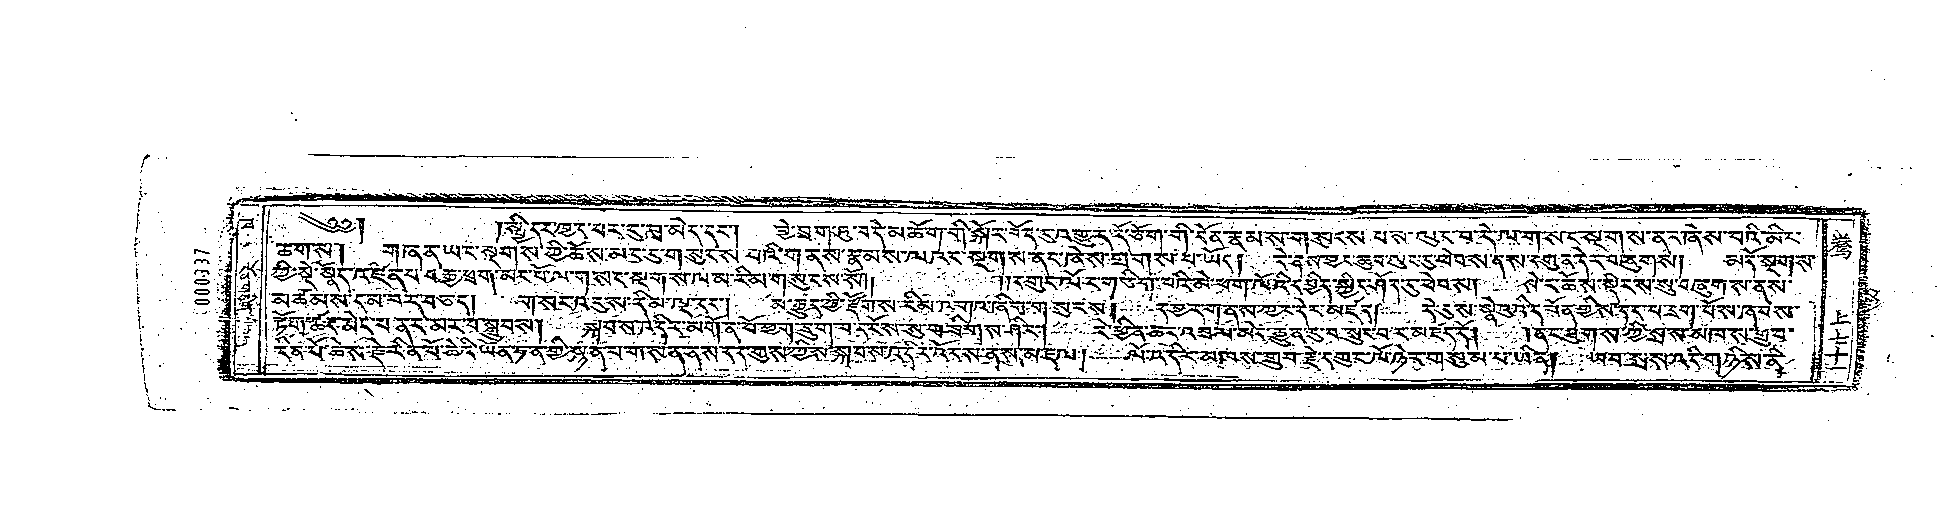༄༅། །སྤྱི་དང་ཁྱད་པར་དུ་བླ་མེད་དང་། །བྱེ་བྲག་ཏུ་བདེ་མཆོག་གི་སྐོར་བོད་དུ་འགྱུར་རོ་ཅོག་གི་དོན་རྣམས་གསུངས་པས་ལུང་པ་དེ་ལ་གསང་སྔགས་ནང་ཞེས་བའི་མིང་
ཆགས། གཞན་ཡང་སྔགས་ཀྱི་ཆོས་མང་དུ་གསུངས་པའི་གནས་རྣམས་ལའང་སྔགས་ནང་ཞེས་གྲགས་པ་ཡོད། དེ་ནས་བྱང་ཆུབ་ལུང་དུ་ཕེབས་ནས་དགུན་དེར་བཞུགས། མདོ་སྔགས་
ཀྱི་སྡེ་སྣོད་འཛིན་པ་བརྒྱ་ཕྲག་མང་པོ་ལ་གསང་སྔགས་ལམ་རིམ་གསུངས་སོ།། །དགུང་ལོ་ང་གཅིག་པའི་མེ་ཕག་ལོའི་དཔྱིད་སྐྱིད་ཤོད་དུ་ཕེབས། སེ་ར་ཆོས་སྡིངས་སུ་བཞུགས་ནས་
མཚམས་དམ་བད་བཅད། གསང་འདུས་རིམ་ལྔ་དང་། མ་རྒྱུད་ཀྱི་རྫོགས་རིམ་འགའ་ཞིག་གསུངས། དབྱར་གནས་ཀྱང་དེར་མཛད། དེ་དུས་སྣེའུའི་དཔོན་གྱིས་དང་པ་དྲག་པོས་ཞབས་
ཏོག་ཚང་མེད་པ་ནར་མར་བསྒྲུབས། སྐབས་འདིར་མགོན་པོ་ཕྱག་དྲུག་བ་དངོས་སུ་གཟིགས་ཤིང་། དེ་ཕྱིན་ཆང་འབྲལ་མེད་རྒྱུན་དུ་བསྲུང་བར་མཛད་དོ། །ནང་ཐུགས་ཀྱི་སྲས་མཁས་གྲུབ་
རིན་པོ་ཆེས་རྗེ་རིན་པོ་ཆེའི་ཡོན་ཏན་གྱི་སྙན་པ་གསན་ནས་དད་གུས་ཀྱིས་སྐབས་འདིར་འོངས་ནས་མཇལ། ལོ་འདིར་མཁས་གྲུབ་རྗེ་དགུང་ལོ་ཉེར་གསུམ་པ་ཡིན། ཡབ་སྲས་འདི་གཉིས་ནི་